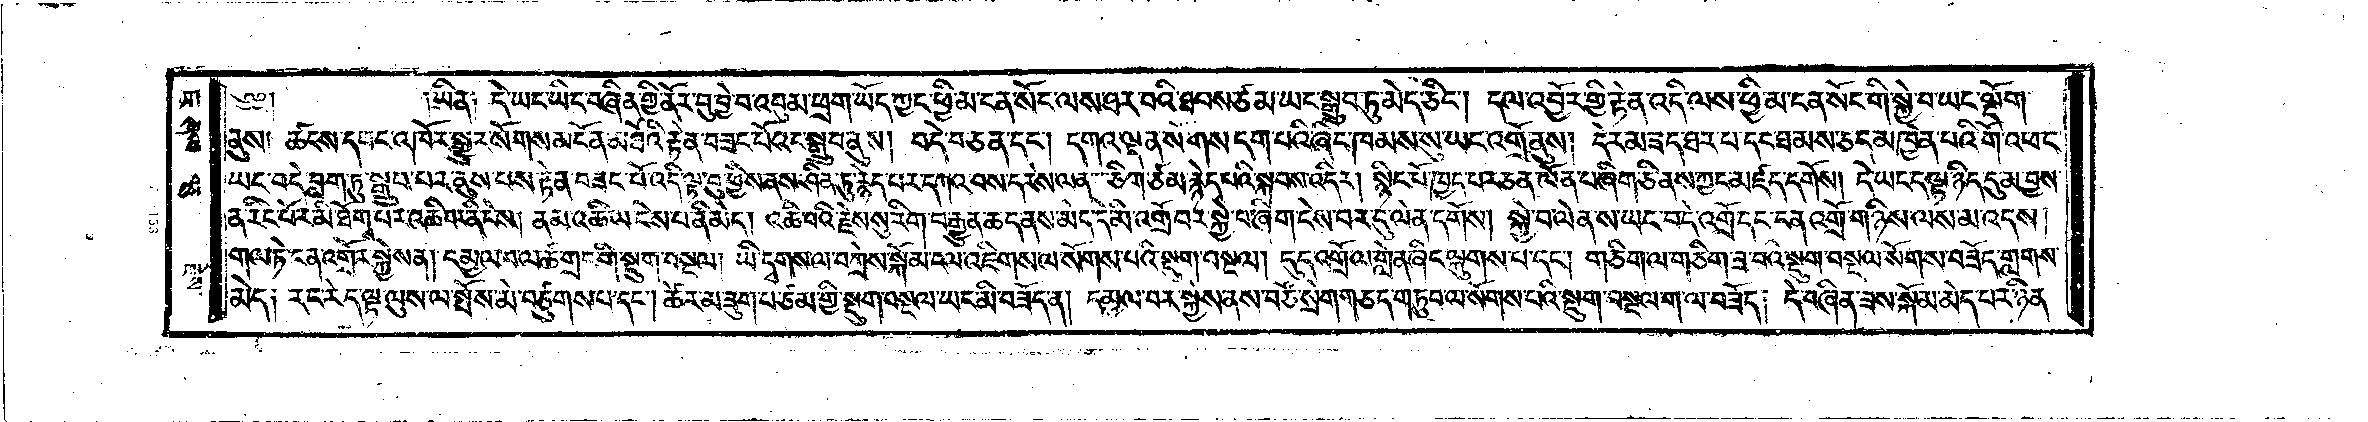༄༅། །ཡིན༑ དེ་ཡང་ཡིད་བཞིན་གྱི་ནོར་བུ་བྱེ་བ་འབུམ་ཕྲག་ཡོད་ཀྱང་ཕྱི་མ་ངན་སོང་ལས་ཐར་བའི་ཐབས་ཙམ་ཡང་སྒྲུབ་ཏུ་མེད་ཅིང་། དལ་འབྱོར་གྱི་རྟེན་འདི་ལས་ཕྱི་མ་ངན་སོང་གི་སྐྱེ་བ་ཡང་ལྡོག་
ནུས༑ ཚངས་དབང་འཁོར་སྒྱུར་སོགས་མངོན་མཐོའི་རྟེན་བཟང་བོའང་སྒྲུབ་ནུས། བདེ་བ་ཅན་དང་། དགའ་ལྡན་སོགས་དག་པའི་ཞིང་ཁམས་སུ་ཡང་འགྲོ་ནུས། དེར་མ་ཟད་ཐར་པ་དང་ཐམས་ཅད་མཁྱེན་པའི་གོ་འཕང་
ཡང་བདེ་བླག་ཏུ་སྒྲུབ་པར་ནུས་པས་རྟེན་བཟང་པོ་འདི་ལྟ་བུ་ཕྱིས་ནས་ཤིན་ཏུ་རྙེད་པར་དཀའ་བསད་རེས་ལན་ཅིག་ཙམ་རྙེད་པའི་སྐབས་འདིར། སྙིང་པོ་ཁྱད་པར་ཅན་ལོན་བཞིག་ཅི་ནས་ཀྱང་མཛད་དགོས། དེ་ཡང་ད་ལྟ་ཉིད་དུ་མ་བྱས་
ན་རིང་པོར་མི་ཐོགས་པར་འཆི་བར་ནི་ངེས། ནམ་འཆི་ལ་ངེས་པ་ནི་མེད། འཆི་བའི་རྗེས་སུ་རིག་པ་རྒྱུན་ཆད་ནས་མེད་དེ་མི་འགྲོ་བར་སྐྱེ་བ་ཞིག་ངེས་པར་དུ་ལེན་དགོས། སྐྱེ་བ་ལེན་ས་ཡང་བདེ་འགྲོ་དང་ངན་འགྲོ་གཉིས་ལས་མ་འདས།
གལ་ཏེ་ངན་འགྲོར་སྐྱེས་ན། དམྱལ་བ་ལ་ཚ་གྲང་གི་སྡུག་བསྔལ། ཡི་དྭགས་ལ་བཀྲེས་སྐོམ་ངལ་འཇིགས་ལ་སོགས་པའི་སྡུག་བསྔལ། དུད་འགྲོ་ལ་གླེན་ཞིང་ལྐུགས་པ་དང་། གཅིག་ལ་གཅིག་ཟ་བའི་སྡུག་བསྔལ་སོགས་བཟོད་གླགས་
མེད༑ རང་རེ་ད་ལྟ་ལུས་ལ་སྤོས་མེ་བཙུགས་བ་དང་། ཚེར་མ་ཟུག་པ་ཙམ་གྱི་སྡུག་བསྔལ་ཡང་མི་བཟོད་ན། དམྱལ་བར་སྐྱེས་ནས་བཙོ་སྲེག་གཅད་གཏུབ་ལ་སོགས་པའི་སྡུག་བསྔལ་གལ་བཟོད༑ དེ་བཞིན་ཟས་སྐོམ་མེད་པར་ཉིན་